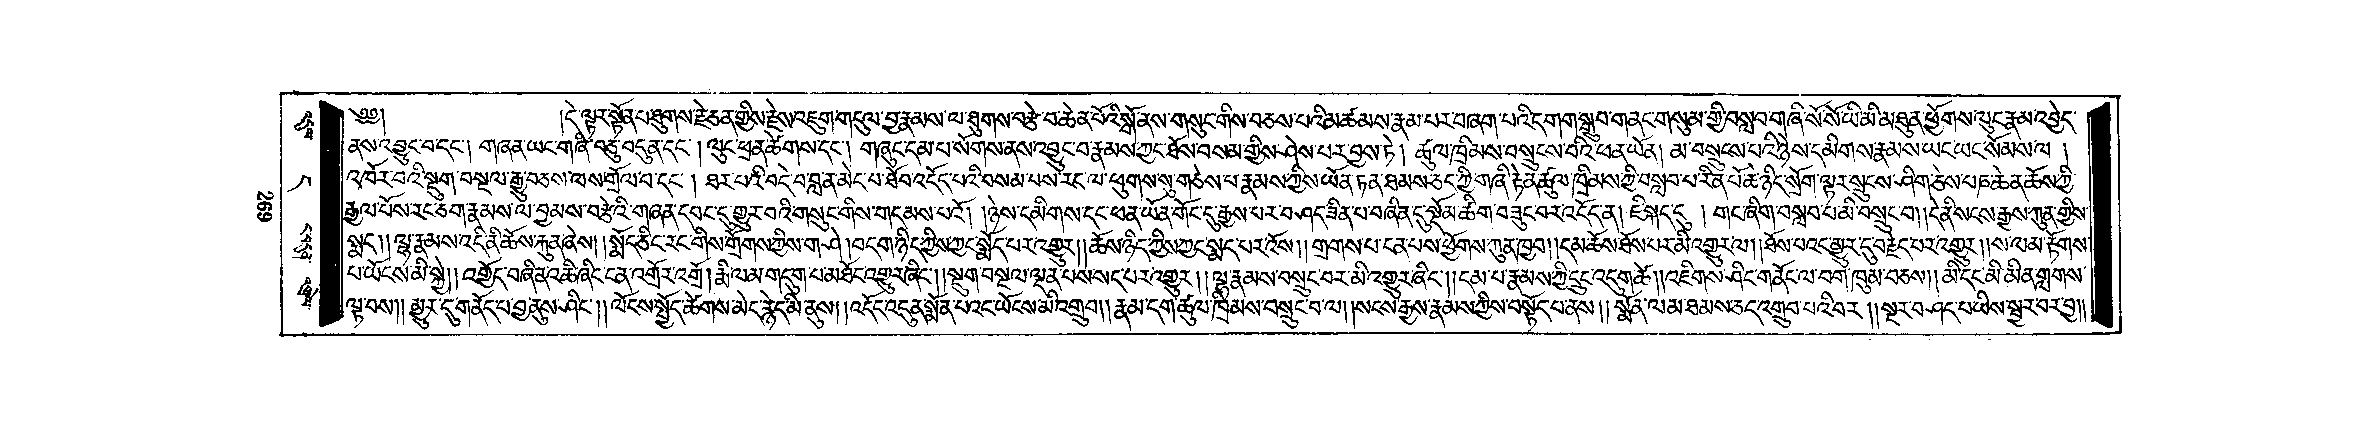༄༅། །དེ་ལྟར་སྟོན་པ་ཐུགས་རྗེ་ཅན་གྱིས་རྗེས་འཇུག་གདུལ་བྱ་རྣམས་ལ་ཐུགས་བརྩེ་བ་ཆེན་པོའི་སྒོ་ནས་གསུང་གིས་བཅས་པའི་མཚམས་རྣམ་པར་བཞག་པའི་དགག་སྒྲུབ་གནང་གསུམ་གྱི་བསླབ་བཞི་སོ་སོ་ཡི་མི་མཐུན་ཕྱོགས་ལུང་རྣམ་འབྱེད་
ནས་འབྱུང་བ་དང་། གཞན་ཡང་གཞི་བཅུ་བདུན་དང་། ལུང་ཕྲན་ཚེགས་དང་། གཞུང་དམ་པ་སོགས་ནས་འབྱུང་བ་རྣམས་ཀྱང་ཐོས་བསམ་གྱི་ཤེས་པར་བྱས་ཏེ། ཚུལ་ཁྲིམས་བསྲུངས་བའི་ཕན་ཡོན། མ་བསྲུངས་པའི་ཉེས་དམིགས་རྣམས་ཡང་ཡང་སོམས་ལ།
འཁོར་བའི་སྡུག་བསྔལ་རྒྱུ་བཅས་ལས་གྲོལ་བ་དང་། ཐར་བའི་བདེ་བ་བླ་ན་མེད་པ་ཐོབ་འདོད་པའི་བསམ་པས་རང་ལ་ཕུགས་སུ་གཅེས་པ་རྣམས་ཀྱིས་ཡོན་ཏན་ཐམས་ཅད་ཀྱི་གཞི་རྟེན་ཚུལ་ཁྲིམས་ཀྱི་བསླབ་པ་རིན་པོ་ཆེ་ཉིད་སྲོག་ལྟར་སྲུངས་ཤིག་ཅེས་པཎ་ཆེན་ཆོས་ཀྱི་
རྒྱལ་པོས་རང་ཅག་རྣམས་ལ་བྱམས་བརྩེའི་གཞན་དབང་དུ་གྱུར་བའི་གསུང་གིས་གདམས་པའོ། །ཉེས་དམིགས་དང་ཕན་ཡོན་གོང་དུ་རྒྱས་པར་བཤད་ཟིན་པ་བཞིན་དུ་སྡོམ་ཚིག་བཟུང་བར་འདོད་ན། ཇི་སྐད་དུ། གང་ཞིག་བསླབ་པ་མི་བསྲུང་བ། །དེ་ནི་སངས་རྒྱས་ཀུན་གྱིས་
སྨད། །ལྷ་རྣམས་འདི་ནི་ཆོས་རྐུན་ཞེས། །སྨོད་ཅིང་རང་གིས་གྲོགས་ཀྱིས་གཤེ་།བདག་ཉིད་ཀྱིས་ཀྱང་སྨོད་པར་འགྱུར། །ཆོས་ཉིད་ཀྱིས་ཀྱང་སྨད་པར་འོས། །གྲགས་པ་ངན་པས་ཕྱོགས་ཀུན་ཁྱབ། །དམ་ཆོས་ཐོས་པར་མི་འགྱུར་ལ། །ཐོས་པའང་མྱུར་དུ་བརྗེད་པར་འགྱུར། །ས་ལམ་རྟོགས་
པ་ཡོངས་མི་སྐྱེ། །འགྱོད་བཞིན་འཆི་ཞིང་ངན་འགྲོར་འགྲོ་།རྨི་ལམ་གདུག་པ་མཐོང་འགྱུར་ཞིང་། །སྡུག་བསྔལ་ལྡན་པས་སད་པར་འགྱུར། །ལྷ་རྣམས་བསྲུང་བར་མི་འགྱུར་ཞིང་། །དམ་པ་རྣམས་ཀྱི་དྲུང་འདུག་ཚེ། །འཇིགས་ཤིང་གནོད་ལ་བག་ཁུམ་བཅས། །མི་དང་མི་མིན་གླགས་
ལྟ་བས། །མྱུར་དུ་གནོད་པ་བྱ་ནུས་ཤིང་། །ལོངས་སྤྱོད་ཚེགས་མེད་རྙེད་མི་ནུས། །འདོད་འདུན་སྨོན་པའང་ཡོངས་མི་འགྲུབ། །རྣམ་དག་ཚུལ་ཁྲིམས་བསྲུང་བ་ལ། །སངས་རྒྱས་རྣམས་ཀྱིས་བསྟོད་པ་ནས། །སྨོན་ལམ་ཐམས་ཅད་འགྲུབ་པའི་བར། །སྔར་བཤད་པ་ཡིས་སྦྱར་བར་བྱ། །